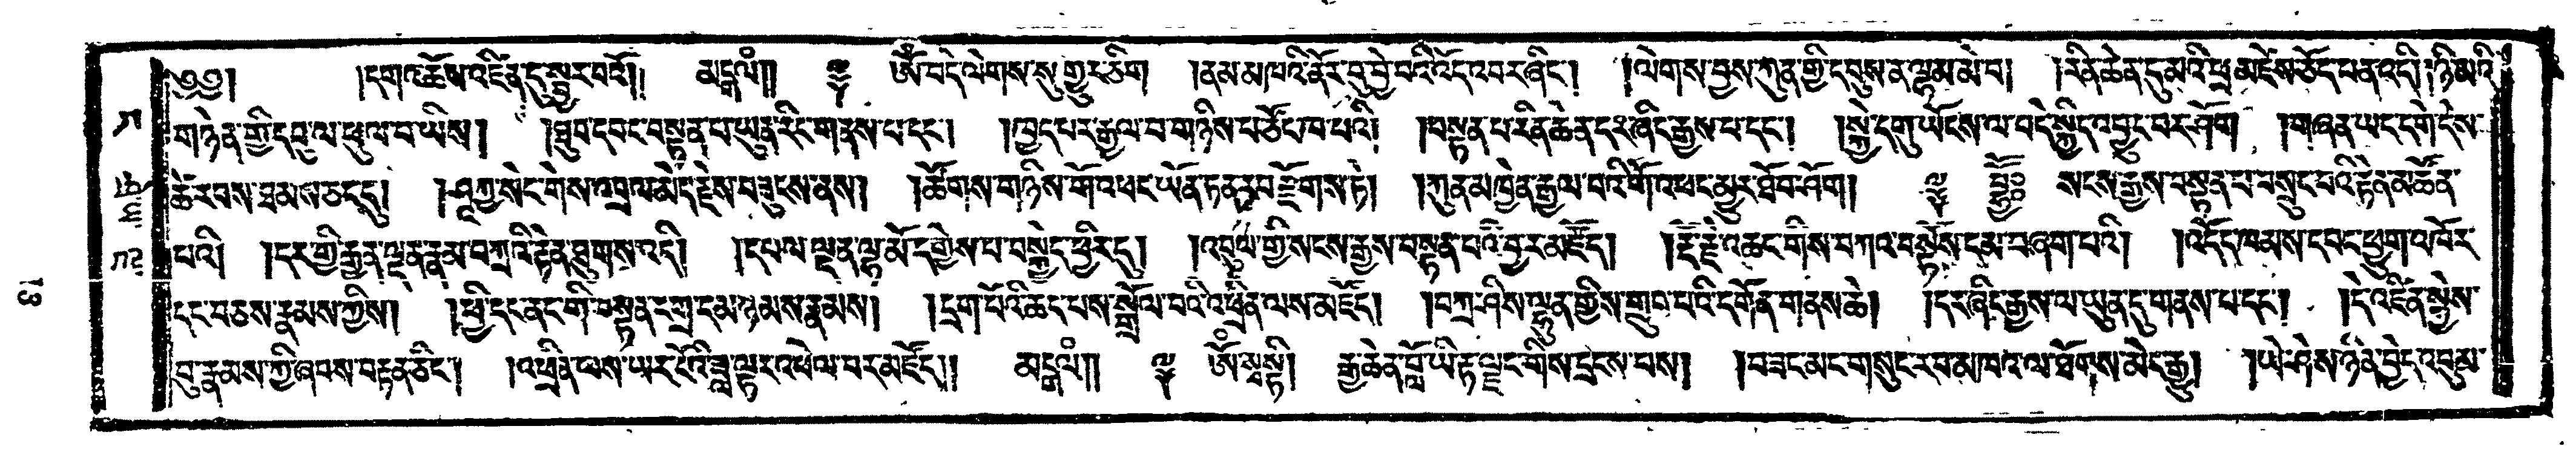༄༅། །དགའ་ཆོས་འཛིན་དུ་སྦྱར་བའོ།། མངྒལཾ།། ༈ ཨོཾ་བདེ་ལེགས་སུ་གྱུར་ཅིག །ནམ་མཁའི་ནོར་བུ་བྱེ་བའི་འོད་འབར་ཞིང་། །ལེགས་བྱས་ཀུན་གྱི་དབུས་ན་ལྷམ་མེ་བ། །རིན་ཆེན་དུ་མའི་ཕྲ་མཛེས་ཅོད་པན་འདི། །ཉི་མའི་
གཉེན་གྱི་དབུ་ལ་ཕུལ་བ་ཡིས། །ཐུབ་དབང་བསྟན་པ་ཡུན་རིང་གནས་པ་དང་། །ཁྱད་པར་རྒྱལ་བ་གཉིས་པ་ཙོང་ཁ་པའི། །བསྟན་པ་རིན་ཆེན་དར་ཞིང་རྒྱས་པ་དང་། །སྐྱེ་དགུ་ཡོངས་ལ་བདེ་སྐྱིད་འབྱུང་བར་ཤོག །གཞན་ཡང་དགེ་དེས་
ཚེ་རབས་ཐམས་ཅད་དུ། །ཤཱཀྱ་སེང་གེས་འབྲལ་མེད་རྗེས་བཟུངས་ནས། །ཚོགས་གཉིས་གོ་འཕང་ཡོན་ཏན་རབ་རྫོགས་ཏེ། །ཀུན་མཁྱེན་རྒྱལ་བའི་གོ་འཕང་མྱུར་ཐོབ་ཤོག། ༈ བྷྱཽཿ སངས་རྒྱས་བསྟན་པ་བསྲུང་བའི་རྟེན་མཚོན་
པའི། །དར་གྱི་རྒྱན་ལྡན་རྣམ་བཀྲའི་རྟེན་ཐུགས་འདི། །དཔལ་ལྡན་ལྷ་མོ་དགྱེས་པ་བསྐྱེད་ཕྱིར་དུ། །འབུལ་གྱི་སངས་རྒྱས་བསྟན་པའི་བྱ་ར་མཛོད། །རྡོ་རྗེ་འཆང་གིས་བཀའ་བསྟོས་དམ་བཞག་པའི། །འདོད་ཁམས་དབང་ཕྱུག་འཁོར་
དང་བཅས་རྣམས་ཀྱིས། །ཕྱི་དང་ནང་གི་བསྟན་དགྲ་དམ་ཉམས་རྣམས། །དྲག་པོའི་ཆད་པས་སྒྲོལ་བའི་འཕྲིན་ལས་མཛོད། །བཀྲ་ཤིས་ལྷུན་གྱིས་གྲུབ་པའི་དགོན་གནས་ཆེ། །དར་ཞིང་རྒྱས་ལ་ཡུན་དུ་གནས་པ་དང་། །དེ་འཛིན་སྐྱེས་
བུ་རྣམས་ཀྱི་ཞབས་བརྟན་ཅིང་། །འཕྲིན་ལས་ཡར་ངོའི་ཟླ་ལྟར་འཕེལ་བར་མཛོད། མངྒལཾ།། ༈ ཨོཾ་སྭསྟི། རྒྱ་ཆེན་བློ་ཡི་རྟ་ལྗང་གིས་དྲངས་པས། །བཟང་མང་གསུང་རབ་མཁའ་ལ་ཐོགས་མེད་རྒྱུ། །ཡེ་ཤེས་ཉིན་བྱེད་འབུམ་